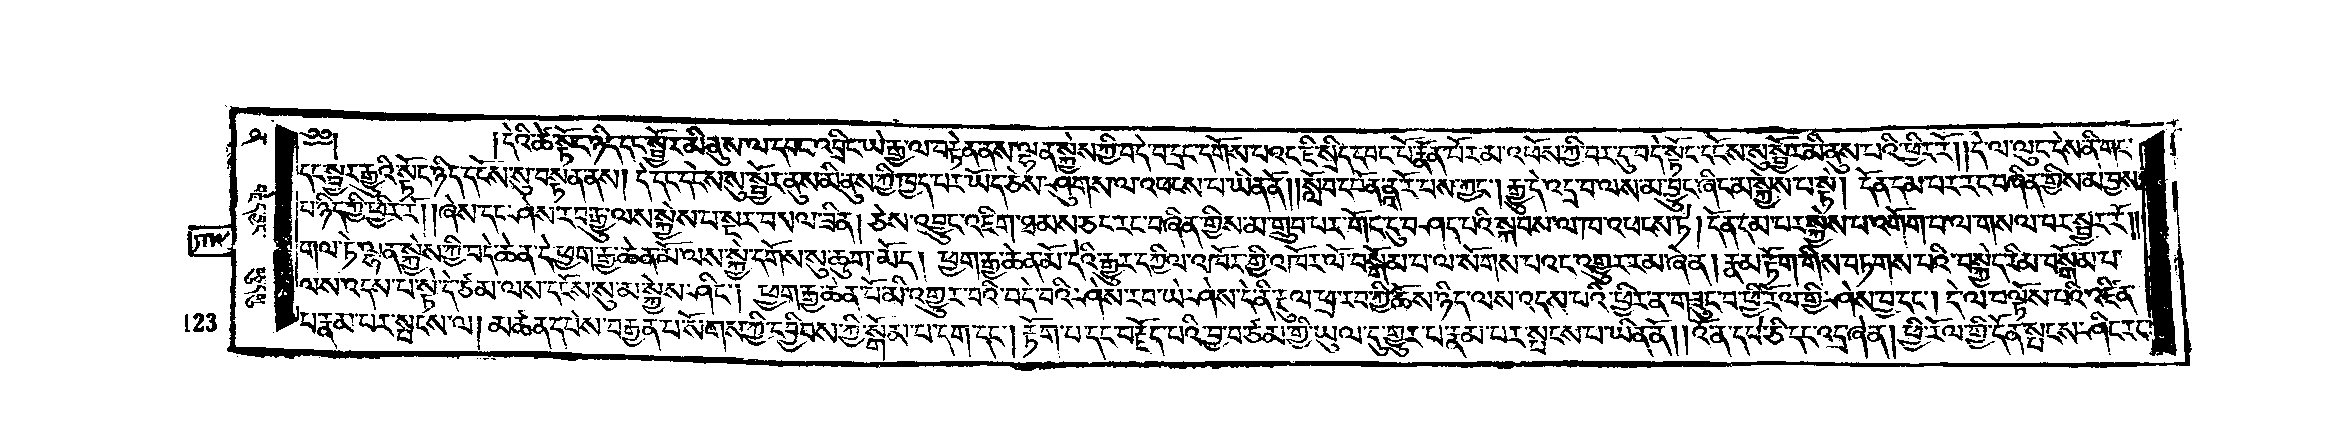༄༅། །དེའི་ཚེ་སྟོང་ཉིད་དང་སྦྱོར་མི་ནུས་ལ་དབང་འབྲིང་ཡེ་རྒྱ་ལ་བརྟེན་ནས་ལྷན་སྐྱེས་ཀྱི་བདེ་བ་དྲང་དགོས་པའང་ཇི་སྲིད་དབང་པོ་རྣོན་པོར་མ་འཕོས་ཀྱི་བར་དུ་བདེ་སྟོང་དངོས་སུ་སྦྱོར་མི་ནུས་པའི་ཕྱིར་རོ། །དེ་ལ་ལུང་དེས་ནི་གང་
དང་སྦྱར་རྒྱུའི་སྟོང་ཉིད་དངོས་སུ་བསྟན་ནས། དེ་དང་དངོས་སུ་སྦྱོར་ནུས་མི་ནུས་ཀྱི་ཁྱད་པར་ཡོད་ཅེས་ཤུགས་ལ་འཕངས་པ་ཡིན་ནོ། །སློབ་དཔོན་ནཱ་རོ་པས་ཀྱང་། རྒྱུ་དེ་འདྲ་བ་ལས་མ་བྱུང་ཞིང་མ་སྐྱེས་པ་སྟེ། དོན་དམ་པར་རང་བཞིན་གྱིས་མ་བྱས་
པ་ཉིད་ཀྱི་ཕྱིར་རོ། །ཞེས་དང་ཤེས་རབ་རྒྱུ་ལས་སྐྱེས་པ་སྔར་བསལ་ཟིན། ཅེས་འབྱུང་འཇིག་ཐམས་ཅད་རང་བཞིན་གྱིས་མ་གྲུབ་པར་གོང་དུ་བཤད་པའི་སྐབས་ལ་ཁ་འཕངས་ཏེ། དོན་དམ་པར་སྐྱེས་པ་འགོག་པ་ལ་གསལ་བར་སྦྱར་རོ། །
གལ་ཏེ་ལྷན་སྐྱེས་ཀྱི་བདེ་ཆེན་དེ་ཕྱག་རྒྱ་ཆེན་མོ་ལས་སྐྱེ་དགོས་སུ་ཆུག་མོད། ཕྱག་རྒྱ་ཆེན་མོ་དེའི་རྒྱུར་དཀྱིལ་འཁོར་གྱི་འཁོར་ལོ་བསྒོམ་པ་ལ་སོགས་པའང་འགྱུར་རམ་ཞེ་ན། རྣམ་རྟོག་གིས་བཏགས་པའི་བསྐྱེད་རིམ་བསྒོམ་པ་
ལས་འདས་པ་སྟེ་དེ་ཙམ་ལས་དངོས་སུ་མ་སྐྱེས་ཤིང་། ཕྱག་རྒྱ་ཆེན་པོ་མི་འགྱུར་བའི་བདེ་བའི་ཤེས་རབ་ཡེ་ཤེས་དེ་ནི་རྡུལ་ཕྲ་རབ་ཀྱི་ཆོས་ཉིད་ལས་འདས་པའི་ཕྱིར་ན་གཟུང་བ་ཕྱི་རོལ་གྱི་ཤེས་བྱ་དང་། དེ་ལ་བལྟོས་པའི་འཛིན་
པ་རྣམ་པར་སྤངས་ལ། མཚན་དཔེས་བརྒྱན་པ་སོགས་ཀྱི་དབྱིབས་ཀྱི་སྒོམ་པ་དག་དང་། རྟོག་པ་དང་བརྗོད་པའི་བྱ་བ་ཙམ་གྱི་ཡུལ་དུ་གྱུར་པ་རྣམ་པར་སྤངས་པ་ཡིན་ནོ། །འོ་ན་དཔེ་ཅི་དང་འདྲ་ཞེ་ན། ཕྱི་རོལ་གྱི་དོན་སྤངས་ཤིང་རང་